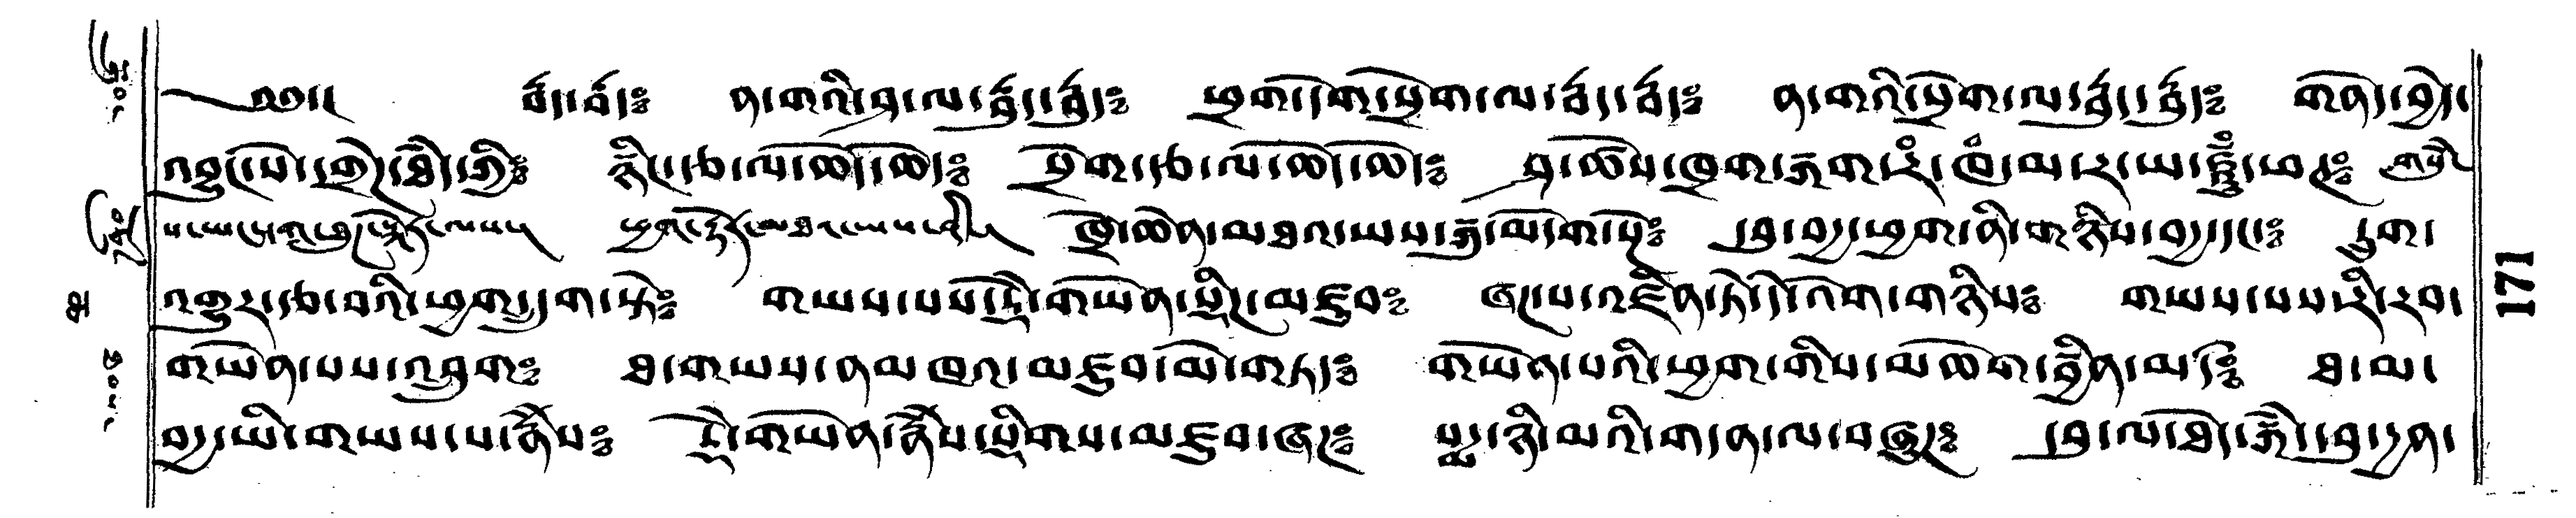རྦད་རྦད༔ ན་གའི་ཤ་ལ་རྦུད་རྦུད༔ ཕྲག་དོག་སྲོག་ལ་རྦད་རྦད༔ ན་གའི་སྲོག་ལ་རྦུད་རྦུད༔ གནོད་བྱེད་
འབྱུང་པོ་དགྲ་བགེགས་ཐམས་ཅད་ཀྱི་སྙིང་རྩ་ལ་ཆོད་ཆོད༔ སྲོག་རྩ་ལ་ཆོད་ཆོད༔ ཤ་ཚོས་ཁྲག་སྐམ་རཾ་ཁཾ་མ་ར་ཡ་ཧཱུྃ་ཕཊ༔ གསུམ་
པ་ཡང་དག་ཐུགས་སྐོར་ལས། ཕྱག་རྡོར་མཐའ་ཡས་ནི། ཁྲོ་ཆེན་མཐའ་ཡས་སྐུ་མདོག་སྔོ༔ དབུ་བརྒྱ་ཕྱག་ནི་ཉིས་བརྒྱ་དང༔ དྲུག་
འགྱུར་རྩ་བའི་ཕྱག་དྲུག་སྟེ༔ གཡས་པས་རྡོ་རྗེ་གཡོན་སྡིགས་མཛུབ༔ ཞགས་པ་འཛིན་ཏེ་དེ་འོག་གཉིས༔ གཡས་པས་རི་རབ་
གཡོན་པས་འབྲུག༔ ཐ་གཡས་ནམ་མཁར་མཛུབ་མོ་གཏོད༔ གཡོན་པའི་ཕྱག་གིས་མཆོག་སྦྱིན་མཛད༔ ཐ་མ་
བརྒྱ་ཡི་གཡས་པ་རྣམས༔ རྡོ་རྗེ་གཡོན་རྣམས་སྡིགས་མཛུབ་ཞགས༔ པདྨ་ཉི་མའི་གདན་ལ་བཞུགས༔ དབུ་ལ་ཐོད་སྐམ་དབུ་རྒྱན་